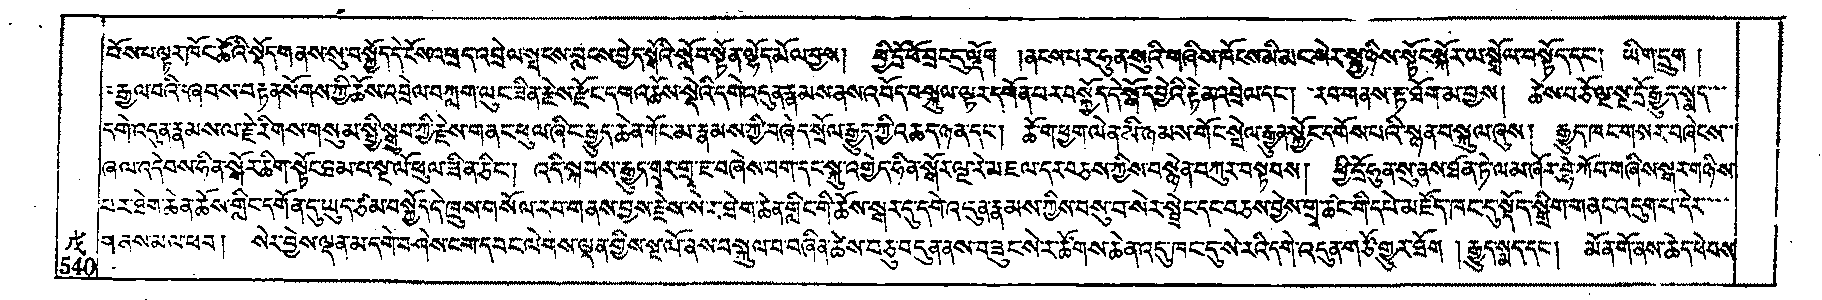བོས་པ་ལྟར་ཁོང་ཚོའི་སྡོད་གནས་སུ་བསྐྱོད་དེ་ངོས་འཕྲད་འབྲེལ་སྤངས་བླངས་བྱེད་སྒོའི་སློབ་སྟོན་ལྷོད་མོལ་བྱས། ཕྱི་དྲོ་ཕོ་བྲང་དུ་ལྡོག །ནངས་པར་ཧུན་སུའི་གཞིས་ཁོངས་མི་མང་སེར་སྐྱ་ཉིས་སྟོང་སྐོར་ལ་སྒྲོལ་བསྟོད་དང་། ཡིག་དྲུག །
༧རྒྱལ་བའི་༧ཞབས་བརྟན་སོགས་ཀྱི་ཆོས་འབྲེལ་བཀླག་ལུང་ཟིན་རྗེས་རྫོང་དགའ་ཆོས་སྡེའི་དགེ་འདུན་རྣམས་ནས་འབོད་བསྐུལ་ལྟར་དགོན་པར་བསྐྱོད་དེ་སྒོ་དབྱེའི་རྟེན་འབྲེལ་དང་། རབ་གནས་རྟ་ཐོག་མ་བྱས། ཚེས་བཅོ་ལྔ་སྔ་དྲོ་རྒྱུད་སྨད་
དགེ་འདུན་རྣམས་ལ་རྗེ་རིགས་གསུམ་སྤྱི་སྒྲུབ་ཀྱི་རྗེས་གནང་ཕུལ་ཞིང་རྒྱུད་ཆེན་གོང་མ་རྣམས་ཀྱི་བཞེད་སྲོལ་རྒྱུད་ཀྱི་འཆད་ཉན་དང་། ཆོ་ག་ཕྱག་ལེན་མི་ཉམས་གོང་སྤེལ་རྒྱུན་སྐྱོང་དགོས་པའི་སྙན་བསྐུལ་ཞུས། རྒྱུད་ཁང་གསར་བཞེངས་
ཞལ་འདེབས་ཧིན་སྒོར་ཆིག་སྟོང་ཐམ་པ་སྔ་ལོ་ཕུལ་ཟིན་ཅིང་། འདི་སྐབས་རྒྱུད་གྲྭར་གྲྭ་ཇ་བཞེས་བག་དང་སྐུ་འགྱེད་ཧིན་སྒོར་ལྔ་རེ་མཇལ་དར་བཅས་ཀྱིས་བསྙེན་བཀུར་བསྟབས། ཕྱི་དྲོ་ཧུན་སུ་ནས་ཐོན་ཏེ་ལམ་ཞོར་བྷེ་ཀོབ་གཞིས་སྒར་གཉིས་
པར་ཐེག་ཆེན་ཆོས་གླིང་དགོན་དུ་ཡུད་ཙམ་བསྐྱོད་དེ་ཁྲུས་གསོལ་རབ་གནས་བྱས་རྗེས་སེ་ར་ཐེག་ཆེན་གླིང་གི་ཆོས་སྒར་དུ་དགེ་འདུན་རྣམས་ཀྱིས་བསུ་བ་སེར་སྦྲེང་དང་བཅས་བྱེས་གྲྭ་ཚང་གི་དཔེ་མཛོད་ཁང་དུ་སྡོད་སྒྲིག་གནང་འདུག་པ་དེར་
གནས་མལ་ཕབ། སེར་བྱེས་ལྡན་མ་དགེ་བཤེས་ངག་དབང་ལེགས་ལྡན་གྱིས་སྔ་ལོ་ནས་བསྐུལ་བ་བཞིན་ཚེས་བཅུ་བདུན་ནས་བཟུང་སེ་ར་ཚོགས་ཆེན་འདུ་ཁང་དུ་སེ་རའི་དགེ་འདུན་གཙོ་གྱུར་ཐོག །རྒྱུད་སྨད་དང་། མོན་གོ་ནས་ཆེད་ཕེབས་